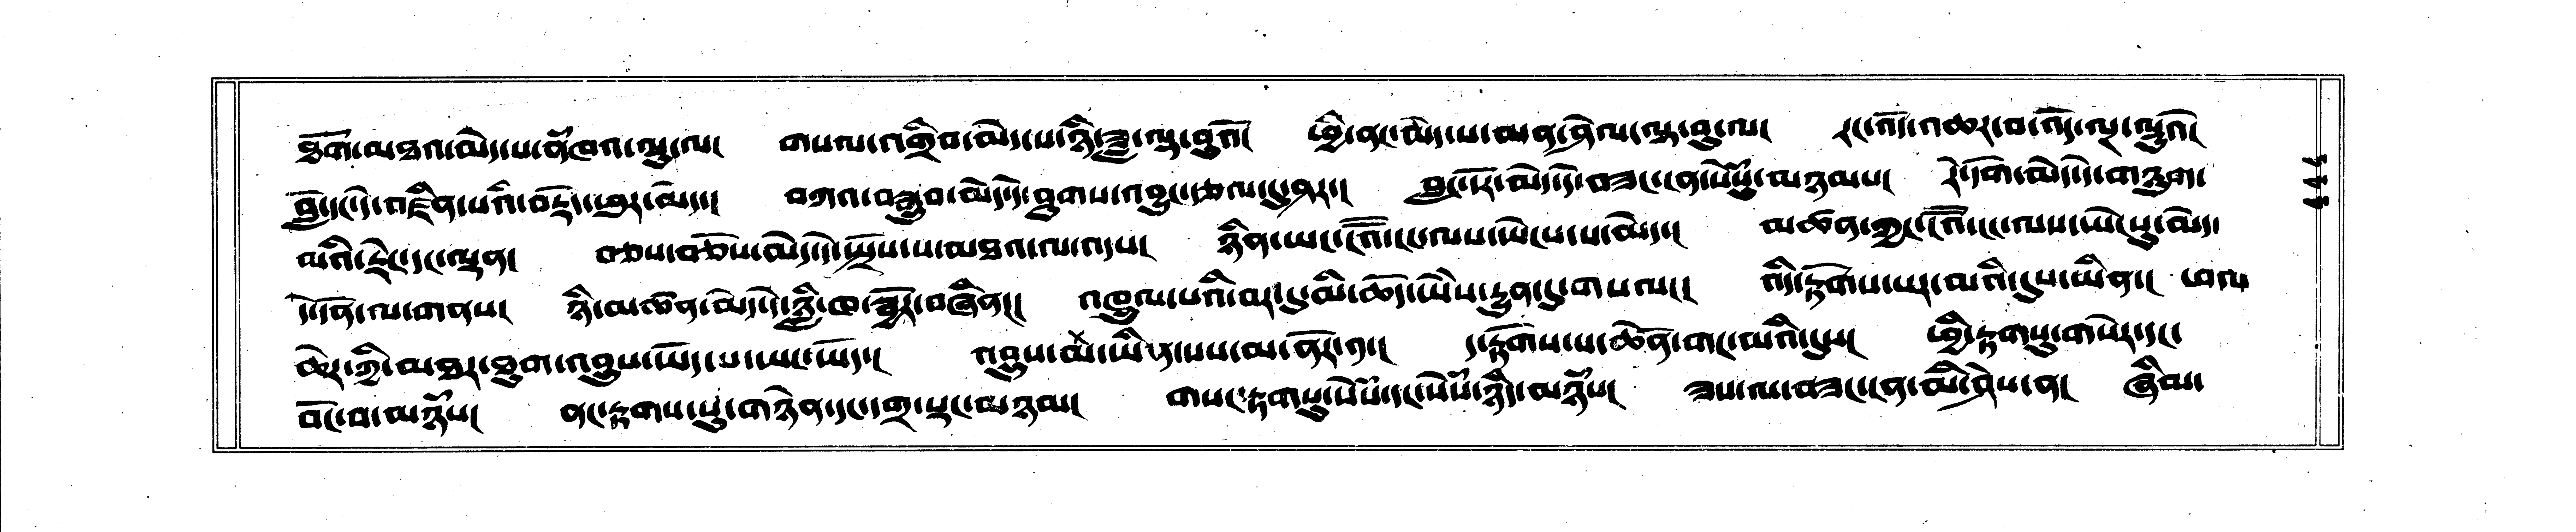ཐོག་མཐའ་མེད་པ་ནམ་མཁའ་ལྟ་བུ་ལ། གསལ་འགྲིབ་མེད་པ་ཉི་ཟླ་ལྟ་བུའོ། ཕྱི་ནང་མེད་པ་མེན་ཤེལ་ལྟ་བུའོ། རང་འོད་འཆར་བ་འོད་ལྔ་ལྟ་བུའོ། 
བློ་དང་བྲལ་ཏེ་འཛིན་པའི་བརྟོད་ཕུར་མེད། བཀག་བསྒྲུབ་མེད་དེ་ཤུགས་འབྱུང་རྩལ་དུ་ཤར། བླང་འདོར་མེད་དེ་བཟང་ངན་སེམས་སུ་མཉམ། རེ་དོག་མེད་དེ་གཉུག་
མའི་དྷིང་༼རྡེང༽དང་ལྡན། བཅས་བཅོས་མེད་དེ་སྤྲོས་པའི་མཐའ་ལས་འདས། ཉིན་ཀྱང་ངོའོ་ངང་ལ་ཡེངས་སུ་མེད། མཚན་ཀྱང་ངོའོ་ངང་ལ་ཡེངས་སུ་མེད་
དེ་དོན་ལ་གནས། ཉིན་མཚན་མེད་དེ་ཉི་ཟླ་ཁ་སྦྱོར་བཞིན། འཁྲུལ་པས་བར་དུ་མི་ཆོད། ཡེ་ཤེས་རྒྱུན་དུ་གསལ། འདི་ནི་རྟོགས་པ་བར་མའི་དུས་ཡིན་པས། ཕལ་
ཆེས་ཀྱིས་མཐར་ཐུག་འབྲས་བུར་འདོད་པ་ཡང་ཡོད་སྟེ། འབྲས་བུ་མ་ཡིན་པས་མ་ནོར་ཅིག ད་རྟོགས་པ་ཆེན་པོ་གོང་མའི་དུས་ལ། ཕྱིའི་རྟགས་སུ་གསེར་དང་
བོང་བ་མཉམ། ནང་གིས་རྟགས་སུ་གཉེན་དང་དགྲ་སྡང་མཉམ། གསང་བའི་རྟགས་སུ་སེམས་དང་སེམས་ཉིད་མཉམས། ཟས་ལ་བཟང་ངན་མི་ཤེས་ནས། ཞིམ་